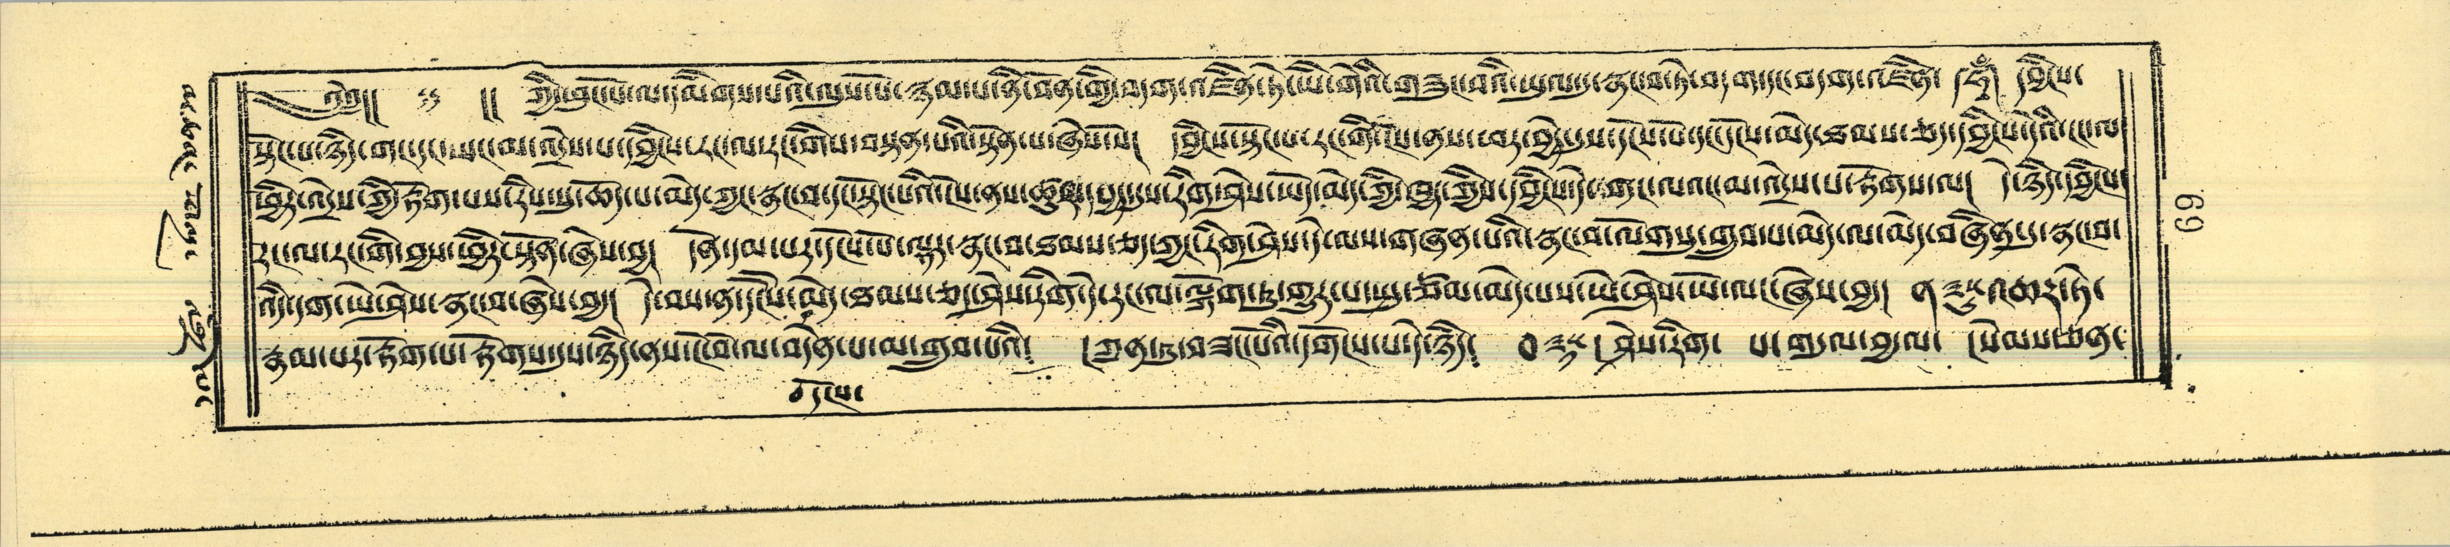ཀྱི་ཕུང་པོ་ལ་དམིགས་པའི་ཕུང་པོ་སྙམ་པ་ནི་བོན་གྱི་བདག་འཛིན་ཏེ་ཡི་གེའི་གཟུང་བའི་ཡུལ་དུ་སྣང་བ་སྟེ་བདག་དང་བདག་འཛིན་༼ཧཾ༽དབྱིངས་
སྟོང་པ་ཉིད་གང་དང་ཡང་མ་འདྲེས་པ་དབྱིངས་རང་ལ་རང་གིས་བསྟན་པའི་སྟོན་པ་ཞེས་སོ། །དབྱིངས་སྟོང་པ་རང་གི་ངོས་ནས་ཕར་བྱེད་དུས་དངོས་པོ་དང་དངོས་མེད་ཐམས་ཅད་དབྱིངས་དེའི་ངང་ལ་
ཕྱིར་འདྲེས་ཀྱི་རྟོག་པས་རིས་སུ་ཆོད་པ་མེད་ཀྱང་སྣང་བ་དང་སྟོང་པའི་ངོས་ནས་ཚུར་དཔྱད་དུས་རིག་ཤེས་ཡོད་མེད་ཀྱི་ཁྱད་ཀྱིས་དབྱིངས་དེ་གང་ལའང་མ་འདྲེས་པར་རྟོགས་ལ། དེ་ཉིད་དབྱིངས་
རང་ལ་རང་གིས་བྱས་ཕྱིར་སྟོན་ཞེས་བྱ། དོན་དམ་པར་དངོས་པ་ལྟར་སྣང་བ་ཐམས་ཅད་ཀྱང་རིག་ཤེས་དེ་ལས་གཞན་པའི་སྣང་བ་ལོགས་སུ་གྲུབ་པ་མེད་ལ་མེད་བཞིན་དུ་སྣང་བ་
འདི་དག་ཡེ་ཤེས་སྣང་བ་ཞེས་བྱ། དེ་བས་ན་དངོས་པོ་དངོས་མེད་ཐམས་ཅད་ཤེས་རིག་དེ་རང་ལ་ལྐོག་ཏུ་གྱུར་པ་སྤུ་ཙམ་མེད་པས་ཡེ་ཤེས་ཡོ་ལང་ཞེས་བྱ། ན༣༥།༦༼འཆར་ཏེ༽
རྣམ་པར་རྟོག་པ་རྟོགས་དུས་ནས་ཉིད་ནས་ངོ་བོ་ལ་བདེན་པར་མ་གྲུབ་པའི་ཀུན་ཏུ་བཟང་པོའི་དགོངས་པ་དེ་ཉིད་བ༣༥།༡ ཤེས་རིག་༼པ༽གདུལ་བྱ་ལ་སེམས་ཅན་